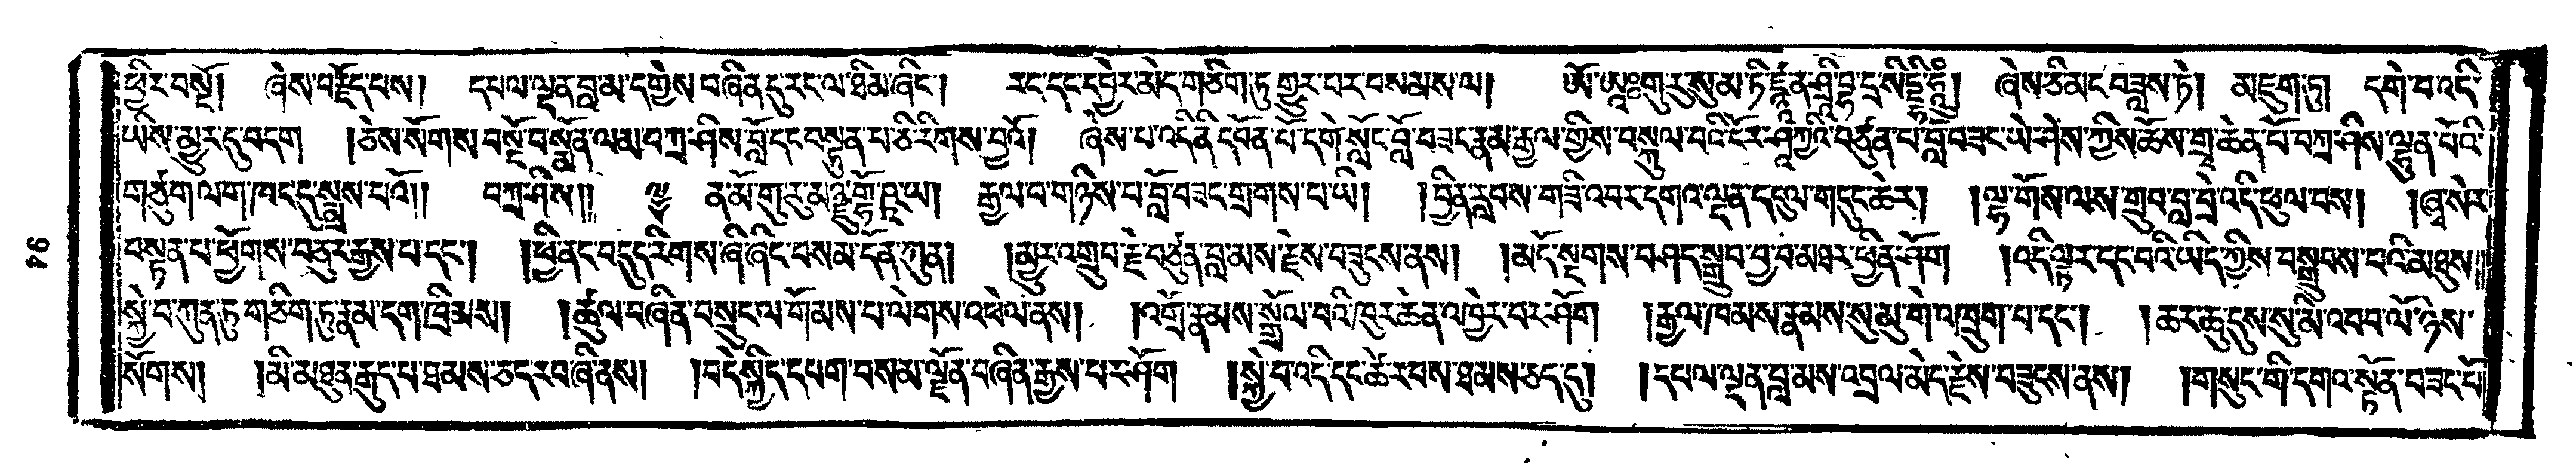ཕྱིར་བསྔོ། ཞེས་བརྗོད་པས། དཔལ་ལྡན་བླ་མ་དགྱེས་བཞིན་དུ་རང་ལ་ཐིམ་ཞིང་། རང་དང་དབྱེར་མེད་གཅིག་ཏུ་གྱུར་པར་བསམས་ལ། ཨོ་ཨཱཿགུ་རུ་སུ་མ་ཏི་ཛྙཱ་ན་ཤྲཱི་བྷ་དྲ་སིདྡྷི་ཧཱུཾ། ཞེས་ཅི་མང་བཟླས་ཏེ། མཇུག་ཏུ། དགེ་བ་འདི་
ཡིས་མྱུར་དུ་བདག །ཅེས་སོགས་བསྔོ་བ་སྨོན་ལམ་བཀྲ་ཤིས་བློ་དང་བསྟུན་པ་ཅི་རིགས་བྱའོ། ཞེས་པ་འདི་ནི་དཔོན་པོ་དགེ་སློང་བློ་བཟང་རྣམ་རྒྱལ་གྱིས་བསྐུལ་བའི་ངོར་ཤཱཀྱའི་བཙུན་པ་བློ་བཟང་ཡེ་ཤེས་ཀྱིས་ཆོས་གྲྭ་ཆེན་པོ་བཀྲ་ཤིས་ལྷུན་པོའི་
གཙུག་ལག་ཁང་དུ་སྨྲས་པའོ།། བཀྲ་ཤིས།། ༈ ན་མོ་གུ་རུ་མཉྫུ་གྷོ་ཥཱ་ཡ། རྒྱལ་བ་གཉིས་པ་བློ་བཟང་གྲགས་པ་ཡི། །བྱིན་རླབས་གཟི་འབར་དགའ་ལྡན་དངུལ་གདུང་ཆེར། །ལྷ་གོས་ལས་གྲུབ་བླ་བྲེ་འདི་ཕུལ་བས། །ཞྭ་སེར་
བསྟན་པ་ཕྱོགས་བཅུར་རྒྱས་པ་དང་། །ཕྱི་ནང་བདུད་རིགས་ཞི་ཞིང་བསམ་དོན་ཀུན། །མྱུར་འགྲུབ་རྗེ་བཙུན་བླ་མས་རྗེས་བཟུངས་ནས། །མདོ་སྔགས་བཤད་སྒྲུབ་བྱ་བ་མཐར་ཕྱིན་ཤོག །འདི་ལྟར་དང་བའི་ཡིད་ཀྱིས་བསྒྲུབས་པའི་མཐུས།།
སྐྱེ་བ་ཀུན་ཏུ་གཅིག་ཏུ་རྣམ་དག་ཁྲིམས། །ཚུལ་བཞིན་བསྲུང་ལ་གོམས་པ་ལེགས་འཕེལ་ནས། །འགྲོ་རྣམས་སྒྲོལ་བའི་ཁུར་ཆེན་འཁྱེར་བར་ཤོག །རྒྱལ་ཁམས་རྣམས་སུ་མུ་གེ་འཁྲུག་པ་དང་། །ཆར་ཆུ་དུས་སུ་མི་འབབ་ལོ་ཉེས་
སོགས། །མི་མཐུན་རྒུད་པ་ཐམས་ཅད་རབ་ཞི་ནས། །བདེ་སྐྱིད་དཔག་བསམ་ལྗོན་བཞིན་རྒྱས་པར་ཤོག །སྐྱེ་བ་འདི་དང་ཚེ་རབས་ཐམས་ཅད་དུ། །དཔལ་ལྡན་བླ་མས་འབྲལ་མེད་རྗེས་བཟུངས་ནས། །གསུང་གི་དགའ་སྟོན་བཟང་པོ་